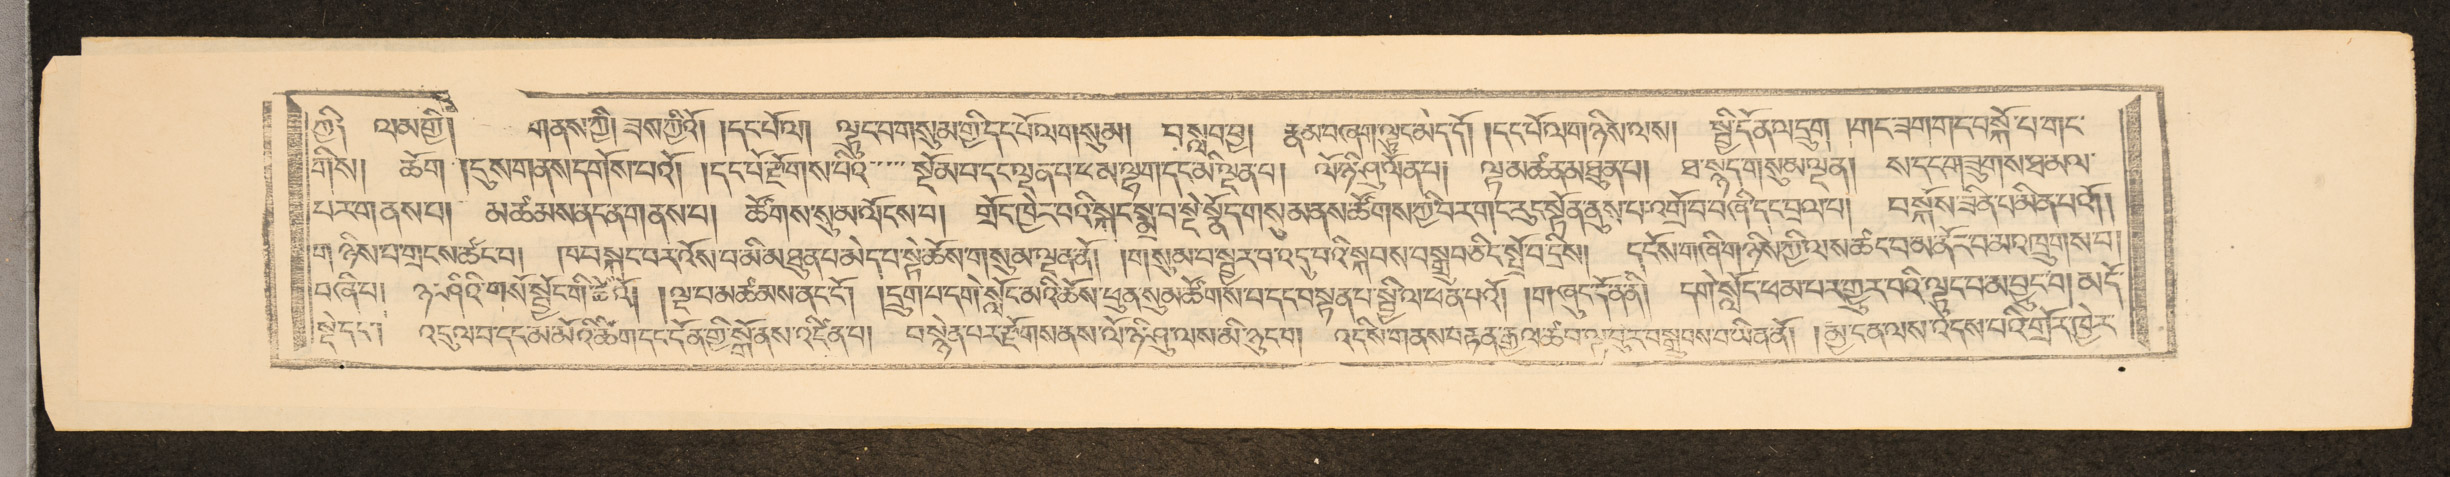ཀྱི། ལམ་གྱི། གནས་ཀྱི། ཟས་ཀྱིའོ། །དང་པོ་ལ། ལྟུང་བ་གསུམ་གྱི་དང་པོ་ལ་གསུམ། བསླབ་བྱ། རྣམ་བཞག་ལྟུང་མེད་དོ། །དང་པོ་ལ་གཉིས་ལས། སྤྱི་དོན་ལ་དྲུག །གང་ཟག་གང་བསྐོ་པ་གང་
གིས། ཆོ་ག །དུས་གནས་དགོས་པའོ། །དང་པོ་རྫོགས་པའི་སྡོམ་པ་དང་ལྡན་པ་ཕམ་ལྷག་དང་མི་ལྡན་པ། ལོ་ཉི་ཤུ་ལོན་པ། ལྟ་མཚན་མཐུན་པ། ཐ་སྙད་གསུམ་ལྡན། ས་དང་གཟུགས་ཐ་མལ་
པར་གནས་པ། མཚམས་ནང་ན་གནས་པ། ཚོགས་སུ་མ་ལོངས་པ། གྲོང་ཁྱེར་བའི་སྐད་སྨྲ་པ་སྡེ་སྣོད་གསུམ་ནས་ཚོགས་ཀྱི་བར་གང་རུང་སྟོང་ནས་པ་འགྲོ་པ་བཞི་དང་བྲལ་པ། བསྐོས་ཟིན་པ་མིན་པའོ། །
གཉིས་པ་གྲངས་ཚང་བ། ཁ་བསྐང་བར་འོས་པ་མི་མཐུན་པ་མེད་པ་སྟེ་ཆོས་གསུམ་ལྡན་ནོ། །གསུམ་པ་སྦྱོར་བ་འདུ་བའི་སྐབས་བསྒྲུབ་ཅིང་སྤྲོ་བ་དྲིས། དངོས་གཞི་གཉིས་ཀྱི་ལས་ཚང་བ་མ་ནོར་བ་མ་འཁྲུགས་པ།
བཞི་པ། ཉ་ཤིའི་གསོ་སྦྱོང་གི་ཚེའོ། །ལྔ་པ་མཚམས་ནང་ངོ། །དྲུག་བ་དགེ་སློང་མའི་ཆོས་ཕུན་སུམ་ཚོགས་པ་དང་བསྟན་པ་སྤྱི་ལ་ཕན་པའོ། །གཞུང་དོན་ནི། དགེ་སློང་ཕམ་པར་གྱུར་པའི་ལྟུང་བ་མ་བྱུང་བ། མདོ་
སྡེ་དང་། འདུལ་བ་དང་མ་མོའི་ཚིག་དང་དོན་གྱི་སྒོ་ནས་འཛིན་པ། བསྙེན་པར་རྫོགས་ནས་ལོ་ཉི་ཤུ་ལས་མི་ཉུང་བ། འདིས་གནས་བརྟན་རྒྱལ་ཚབ་ལྟ་བུར་བསྒྲུབས་པ་ཡིན་ནོ། ཁྱ་ངན་ལས་འདས་ཏྤའི་གྲོང་ཁྱེར་